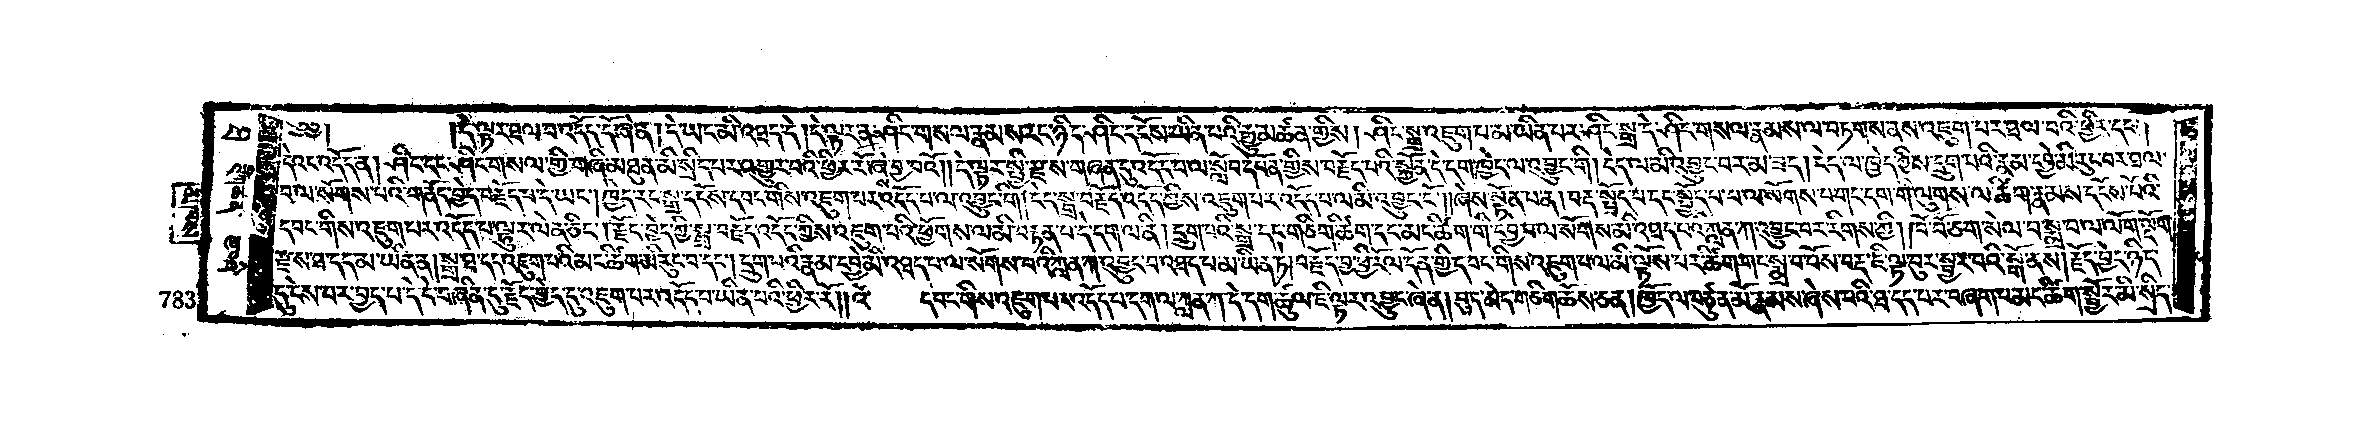༄༅། །དེ་ལྟར་ཐལ་བ་འདོད་དོ་ཞེ་ན། དེ་ཡང་མི་འཐད་དེ། དེ་ལྟར་ན་ཤིང་གསལ་རྣམས་རང་ཉིད་ཤིང་དངོས་ཡིན་པའི་རྒྱུ་མཚན་གྱིས། ཤིང་སྒྲ་འཇུག་པ་མ་ཡིན་པར་ཤིང་སྒྲ་དེ་ཤིང་གསལ་རྣམས་ལ་བཏགས་ནས་འཇུག་པར་ཐལ་བའི་ཕྱིར་དང་།
དེའང་འདོད་ན། ཤིང་དང་ཤིང་གསལ་གྱི་གཞི་མཐུན་མི་སྲིད་པར་འགྱུར་བའི་ཕྱིར་རོ་ཞེས་བྱ་བའོ། །དེ་ལྟར་སྤྱི་རྫས་གཞན་དུ་འདོད་པ་ལ་སློབ་དཔོན་གྱིས་བརྗོད་པའི་སྐྱོན་དེ་དག་ཁྱེད་ལ་འབྱུང་གི། ངེད་ལ་མི་འབྱུང་བར་མ་ཟད། ངེད་ལ་ཁྱེད་ཀྱིས་དྲུག་པའི་རྣམ་དབྱེ་མི་རུང་བར་ཐལ་
བ་ལ་སོགས་པའི་གནོད་བྱེད་བརྗོད་པ་དེ་ཡང་། ཁྱེད་རང་སྒྲ་དངོས་དབང་གིས་འཇུག་པར་འདོད་པ་ལ་འབྱུང་གི །ངེད་སྒྲ་བརྗོད་འདོད་ཀྱིས་འཇུག་པར་འདོད་པ་ལ་མི་འབྱུང་ངོ། །ཞེས་སྟོན་པ་ན། བརྡ་སྤྲོད་པ་དང་སྤྱོད་པ་པོ་ལ་སོགས་པ་གང་དག་གི་ལུགས་ལ་ཚིག་རྣམས་དངོས་པོའི་
དབང་གིས་འཇུག་པར་འདོད་པ་ལྷུར་ལེན་ཅིང་། རྗོད་བྱེད་ཀྱི་སྒྲ་བརྗོད་འདོད་ཀྱིས་འཇུག་པའི་ཕྱོགས་ལ་མི་བརྟན་པ་དེ་དག་ལ་ནི། དྲུག་པའི་སྒྲ་དང་གཅིག་ཚིག་དང་མང་ཚིག་གི་དབྱེ་བ་ལ་སོགས་མི་འཐད་པའི་ཀླན་ཀ་འབྱུང་བར་རིགས་ཀྱི། ཁོ་བོ་ཅག་སེལ་བ་སྨྲ་བ་ལ་ལོག་ལྡོག་
རྫས་ཐ་དད་མ་ཡིན་ན། སྒྲ་ཐ་དད་འཇུག་པའི་མང་ཚིག་མི་རུང་བ་དང་། དྲུག་པའི་རྣམ་དབྱེ་མི་འཐད་པ་ལ་སོགས་པའི་ཀླན་ཀ་འབྱུང་བ་འཐད་པ་མ་ཡིན་ཏེ། བརྗོད་བྱ་ཕྱི་རོལ་དོན་གྱི་དབང་གིས་འཇུག་པ་ལ་མི་ལྟོས་པར་ཚིག་གང་སྨྲ་བ་པོས་བརྡ་ཇི་ལྟ་བུར་སྦྱར་བའི་སྒོ་ནས། རྗོད་བྱེད་ཉིད་
དུ་ངེས་པར་བྱེད་པ་དེ་དེ་བཞིན་དུ་རྗོད་བྱེད་དུ་འཇུག་པར་འདོད་པ་ཡིན་པའི་ཕྱིར་རོ། །འོ་?་དབང་གིས་འཇུག་པར་འདོད་པ་དག་ལ་ཀླན་ཀ་དེ་དག་ཚུལ་ཇི་ལྟར་འབྱུང་ཞེ་ན། བུད་མེད་གཅིག་ཆོས་ཅན། ཁྱོད་ལ་བཙུན་མོ་རྣམས་ཞེས་པའི་ཐ་དད་པར་བཞག་པ་མང་ཚིག་སྦྱོར་མི་སྲིད་